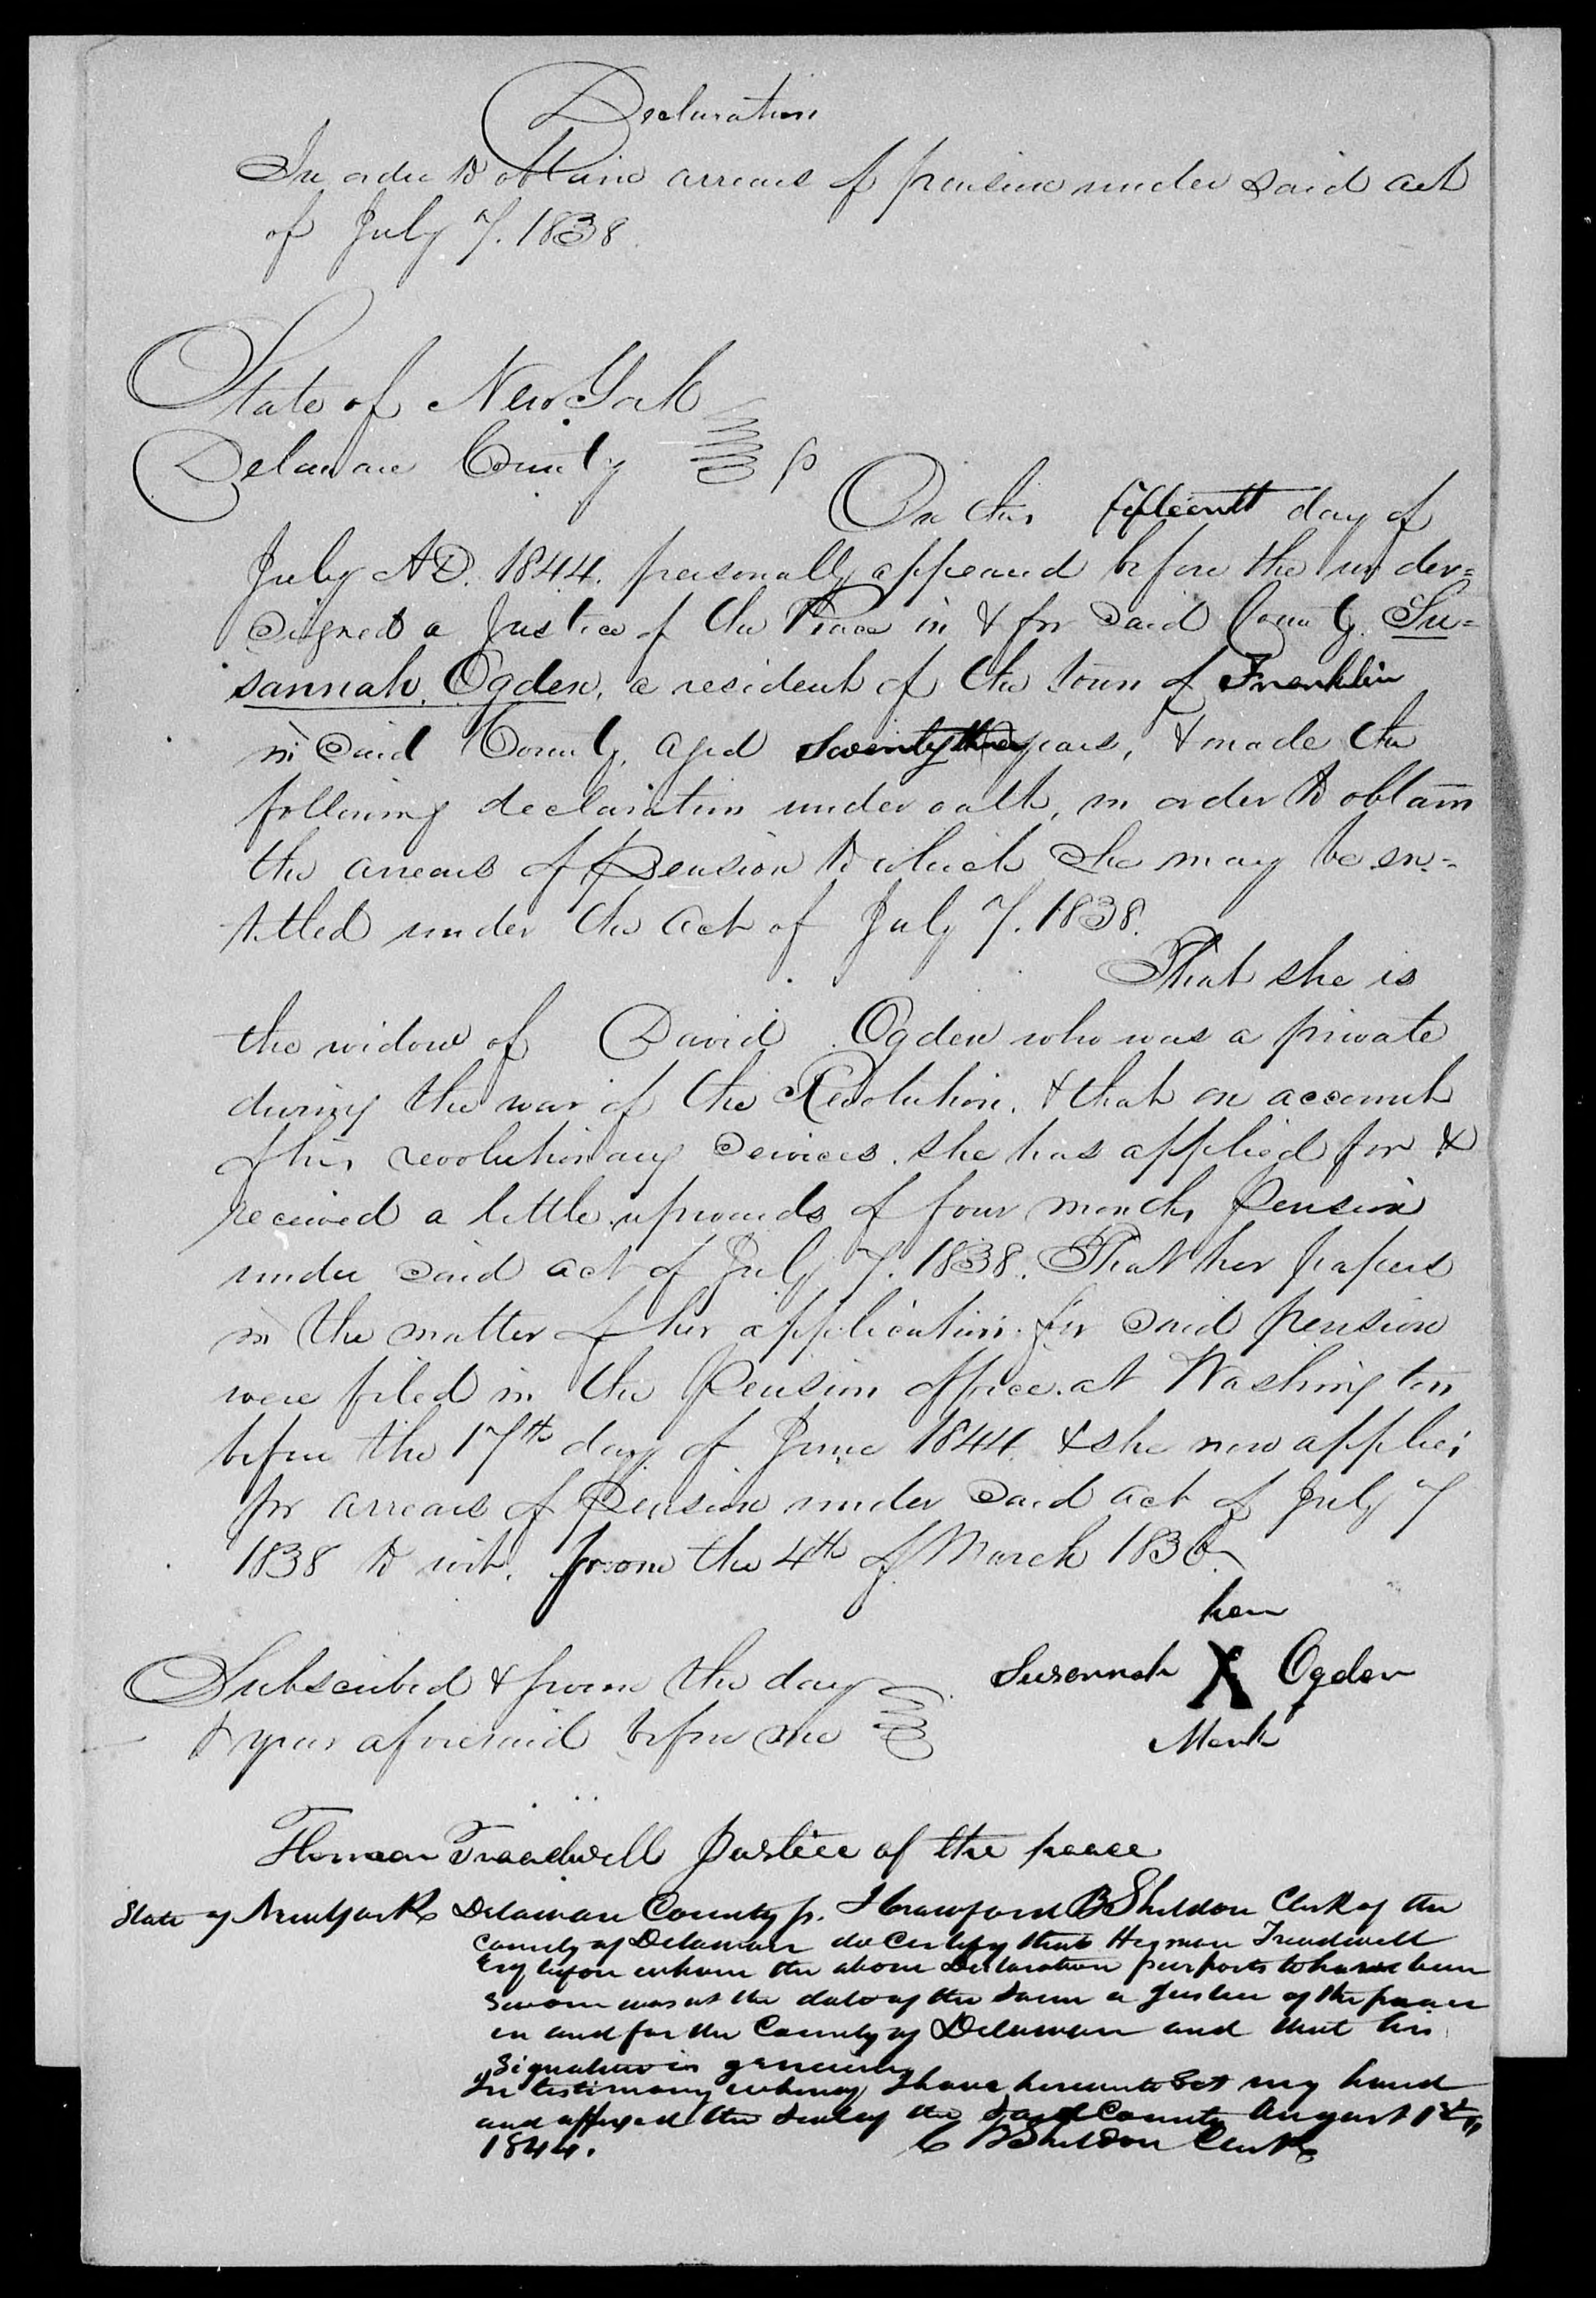Declaration
In order to obtain arrears of pension under said act
of July 7. 1838.

State of New York}
Delaware County} ss

On this fifteenth day of
July AD. 1844 personally appeared before the undersigned 
a Justice of the Peace in & for said County,  
Susannah Ogden, a resident of the town of Franklin
in said County, aged Seventy three years, & made the
following declaration under oath, in order to obtain
the arrears of Pension to which she may be 
entitled under the act of July 7. 1838.

That she is
the widow of David Ogden who was a private
during the war of the Revolution, & that on account
of his revolutionary services, she has applied for & 
received a little upwards of four months Pension
under said act of July 7. 1838.  That her papers
in the matter of her application for said pension
were filed in the Pension office at Washington
before the 17th day of June 1844, & she now applies
for arrears of Pension under said act of July 7
1838 to wit from the 4th of March 1836.
Susannah Ogden her mark [X]

Subscribed & sworn the day}
& year aforesaid before me}
Hemon Treadwell Justice of the peace

State of New York Delaware County Ss.  I Crawford B Sheldon Clerk of the
County of Delaware do certify that Herman Treadwell Esq 
before whom the above declaration purports to have been
sworn was at the date of the same a Justice of the peace
in and for the County of Delaware and that his
Signal is genuine

In testimony whereof I have hereunto set my hand
and affixed the Seal of the said County August 1st 
1844.
C B Sheldon Clerk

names: David Ogden; Crawford B Sheldon; Susannah Ogden; Herman Treadwell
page: 37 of 40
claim: widow's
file: W. 24364, for David Ogden, New York